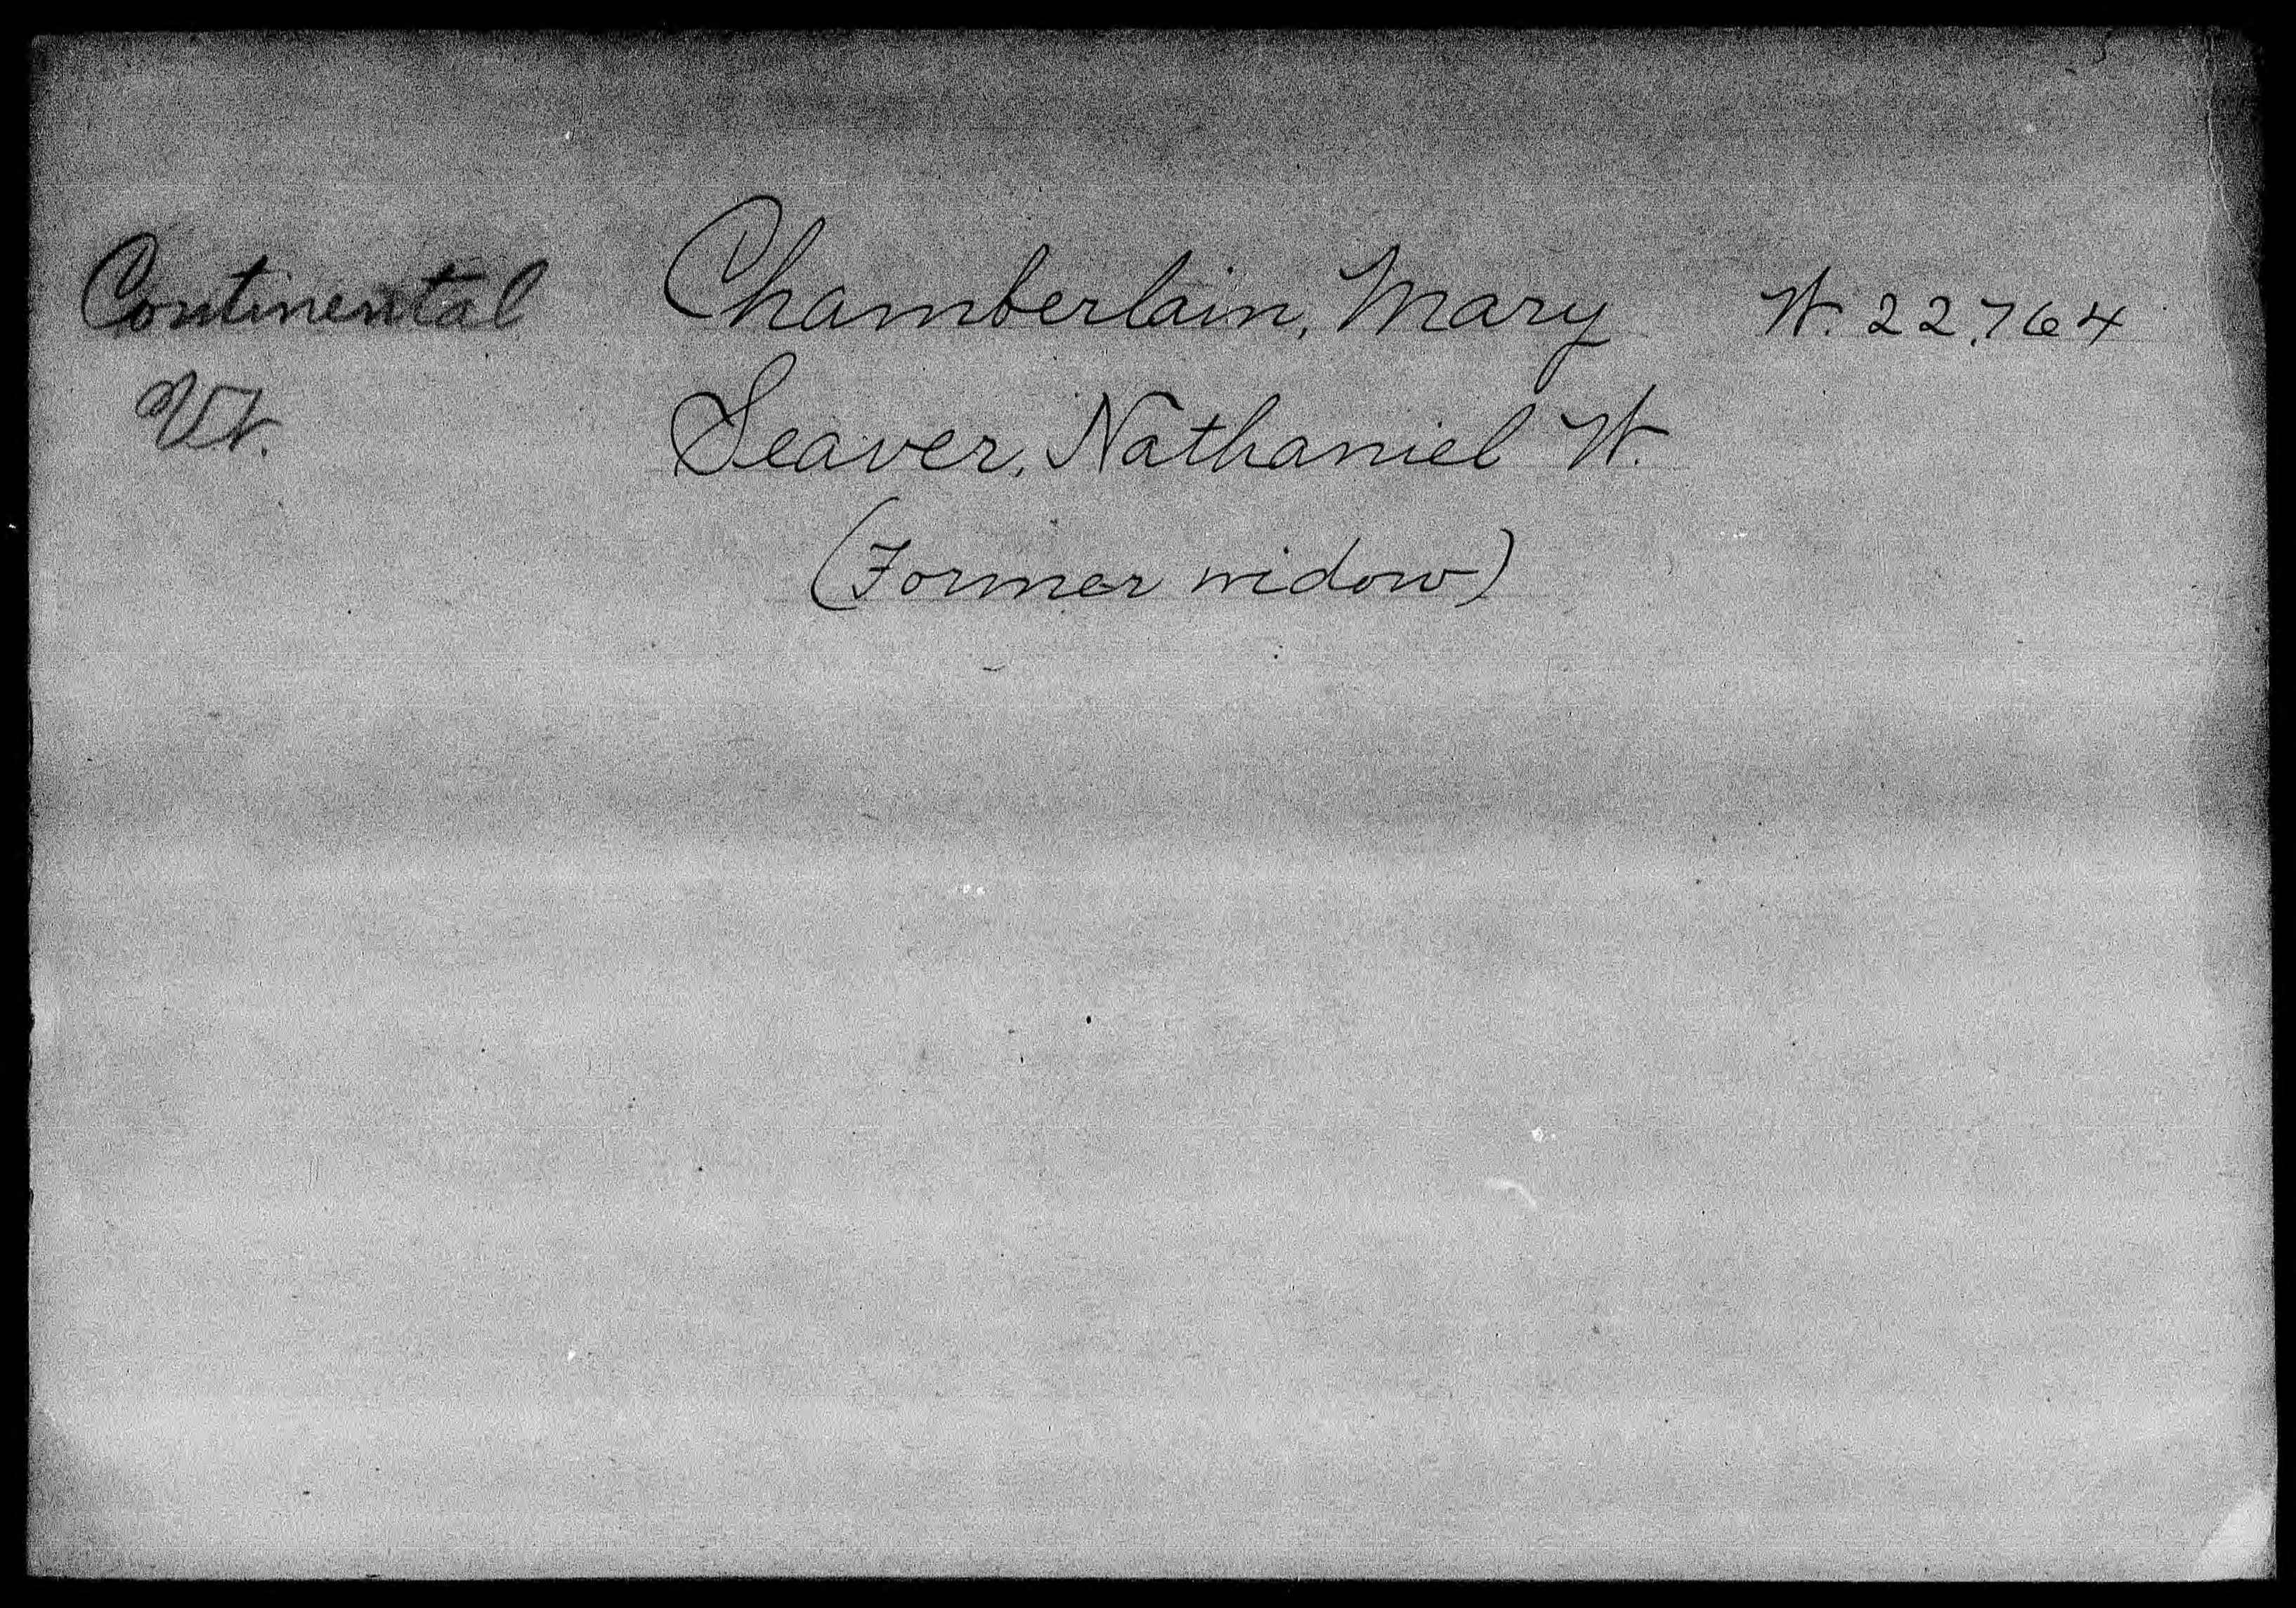Continental Vt.

Chamberlain, Mary
Seaver, Nathaniel W.
(Former widow)

W. 22,764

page: 1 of 1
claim: widow's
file: W. 22,764, Mary Chamberlain, Continental Vt.